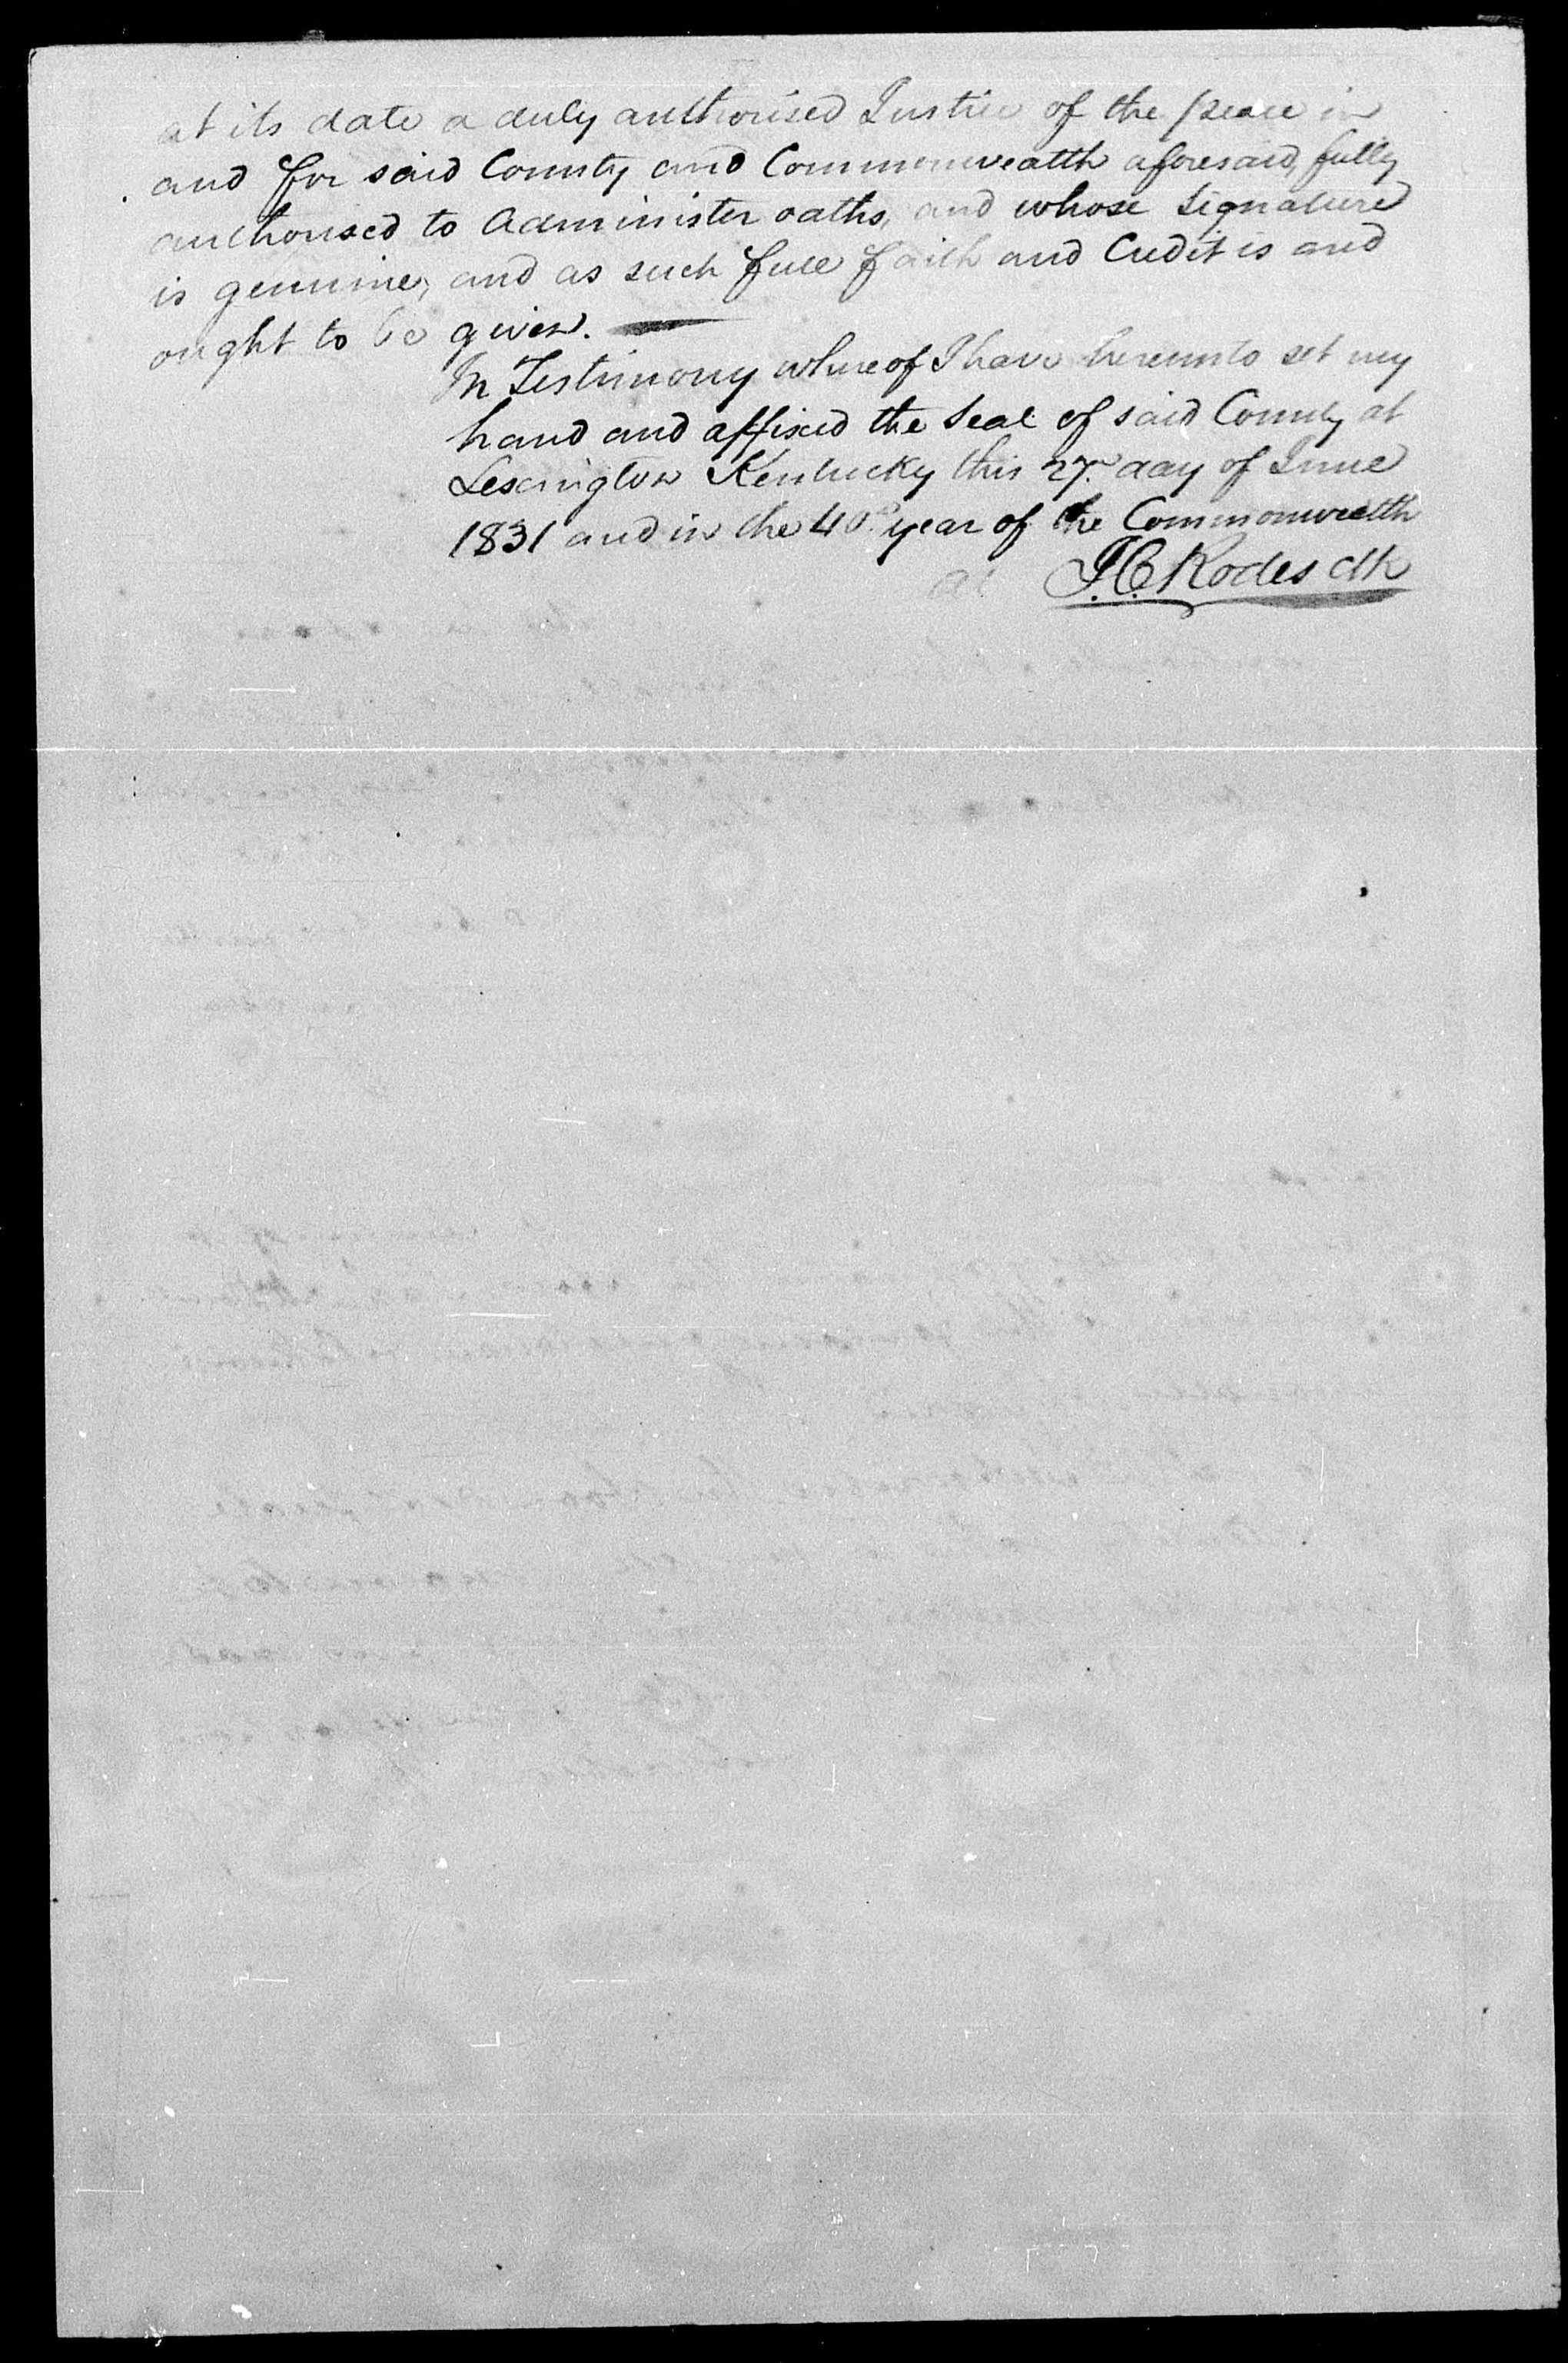at its date a duly authorized Justice of the Peace in
and for said County and Commonwealth aforesaid fully
authorised to administer oaths, and whose signature
is genuine, and as such full faith and credit is and
ought to be given.
In testimony whereof I have hereunto set my
hand and affixed the seal of said County at
Lexington Kentucky this 27th day of June
1831 and in the [illegible] year of the Commonwealth.
(signature of J. C. Rodes Clk)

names: J C Rodes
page: 24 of 47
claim: survivor's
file: S. 30578, for John Mc Dowell, Virginia